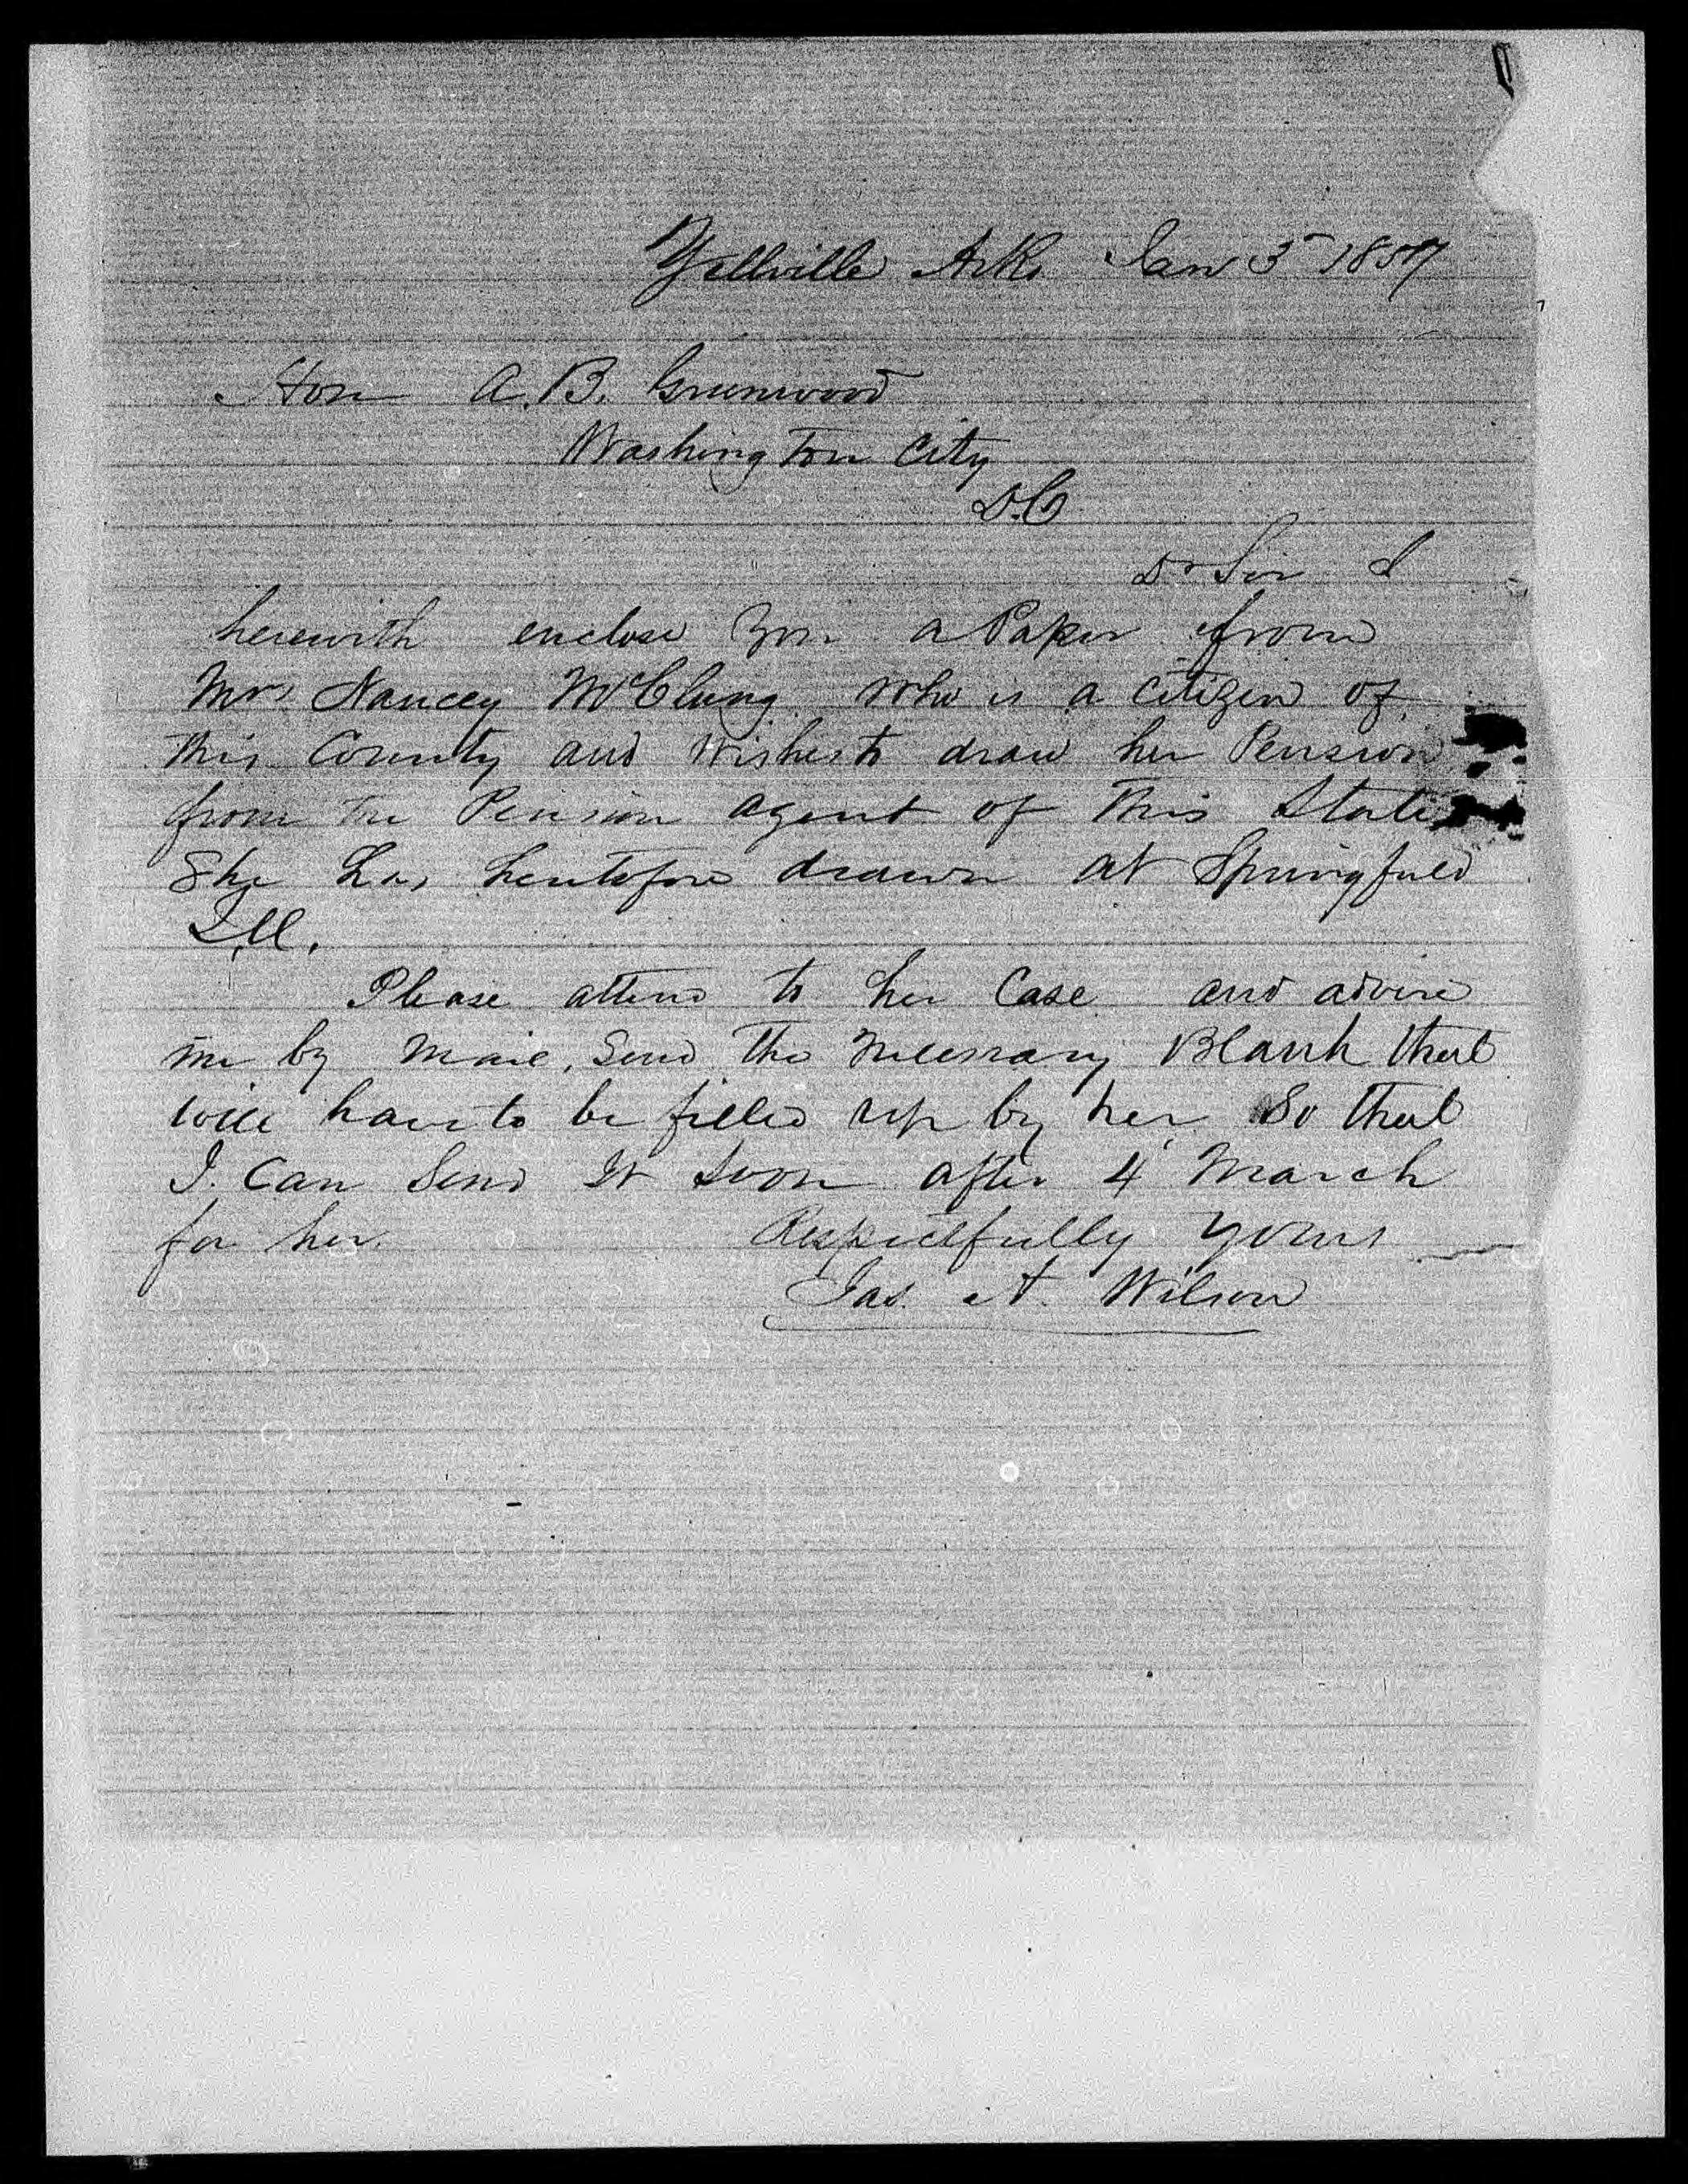Yellville Ark. Jan. 3 1857
Hon. A. B. Greenwood
Washington City D.C.

Dr Sir
I herewith enclose you A Paper from Mrs. Nancey McClung who is a Citizen of this County and wishes to draw her pension from the Pension agent of this State. She has heretofore drawn at Springfield Ill.

Please attend to her case and advise me by Mail, send the necessary Blank that will have to be filled up by her so that I can send it soon after 4 March
Respectfully Yours
Jas. A Wilson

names: Nancey Mc Clung; A B Greenwood; Jas A Wilson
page: 70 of 115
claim: widow's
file: W. 1446, for John Mc Clung, South Carolina